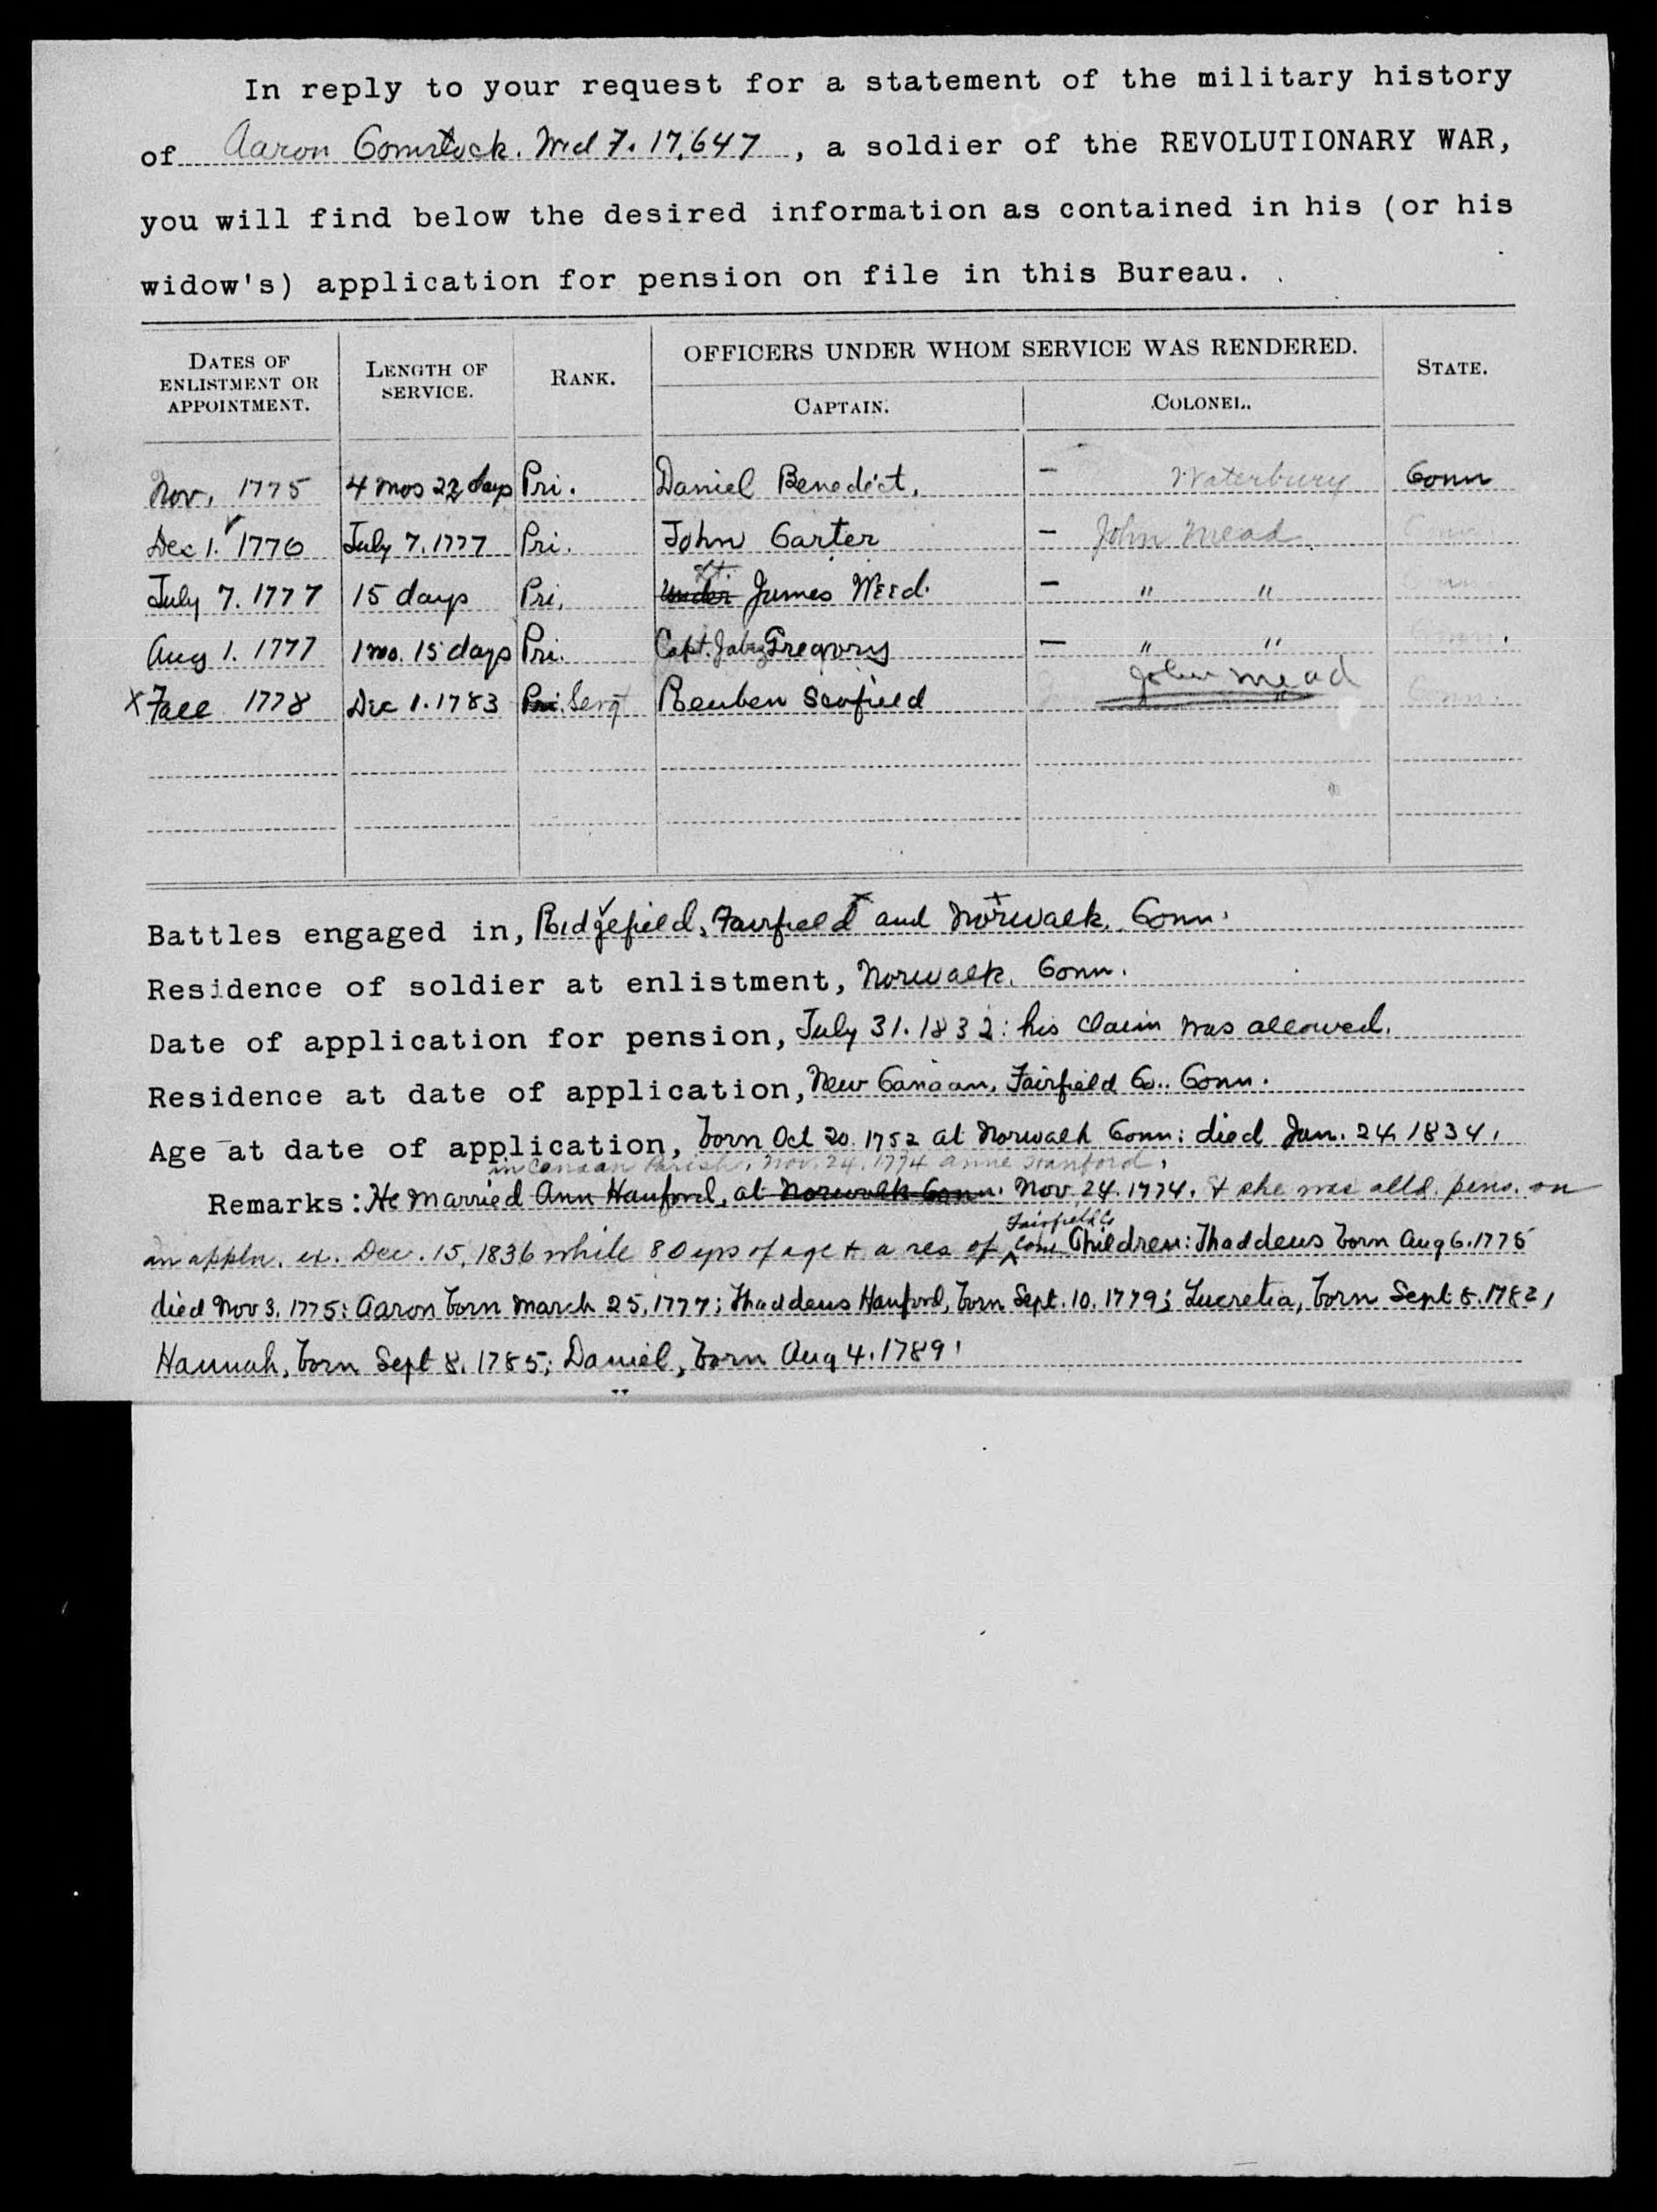In reply to your request for a statement of the military history of Aaron Comstock Wid 7. 17,647, a soldier of the REVOLUTIONARY WAR, you will find below the desired information as contained in his (or his widow's) application for pension on file in this Bureau.

DATES OF ENLISTMENT OR APPOINTMENT. | LENGTH OF SERVICE. | RANK. | OFFICERS UNDER WHOM SERVICE WAS RENDERED. | STATE.
 | | | CAPTAIN. | COLONEL. | 
Nov, 1775 | 4 mos 22 days | Pri. | Daniel Benedict. | - Waterbury | Conn.
Dec 1st. 1776 | July 7, 1777 | Pri. | John Carter | - John Mead | Conn.
July 7. 1777 | 15 days | Pri. | under [crossed out] Lt. James Weed. | - " " | Conn.
Aug 1. 1777 | 1 mo. 15 days | Pri | Capt. Jabez Gregory | - " " | Conn.
x Fall 1778 | Dec 1. 1783 | Pri [crossed out] Sergt | Reuben Scofield | [ditto marks crossed out] John Mead | Conn.

Battles engaged in, Ridgefield [check mark above], Fairfield [x above] and Norwalk [+ above], Conn.
Residence of soldier at enlistment, Norwalk, Conn.
Date of application for pension, July 31. 1832: his claim was allowed.
Residence at date of application, New Canaan, Fairfield Co. Conn.
Age at date of application, born Oct 20, 1752 at Norwalk Conn: died Jan. 24 1834.
Remarks: He married Ann Hanford at Norwalk Conn. Nov 24 1774, [crossed out] in Canaan Parish, Nov. 24, 1774 Anne Stanford, & she was alld. penss. on an applic. ex. Dec. 15, 1836 while 80 yrs of age & a res. of ^Fairfield C. Conn. Children: Thaddeus born Aug 6. 1775 died Nov 3, 1775: Aaron born March 25, 1777: Thaddeus Hanford, born Sept. 10, 1779; Lucretia, born Sept 5. 1782, Hannah, born Sept. 8. 1785; Daniel, born Aug 4. 1789.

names: Hannah, John Mead, Reuben Scofield, Waterbury, Thaddeus, Thaddeus Hanford, Aaron, Daniel, Daniel Benedict, James Weed, Jabez Gregory, John Carter, John Mead, Aaron Comstock, Lucretia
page: 14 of 43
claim: widow's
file: W. 17,647, Aaron Comstock, Conn.